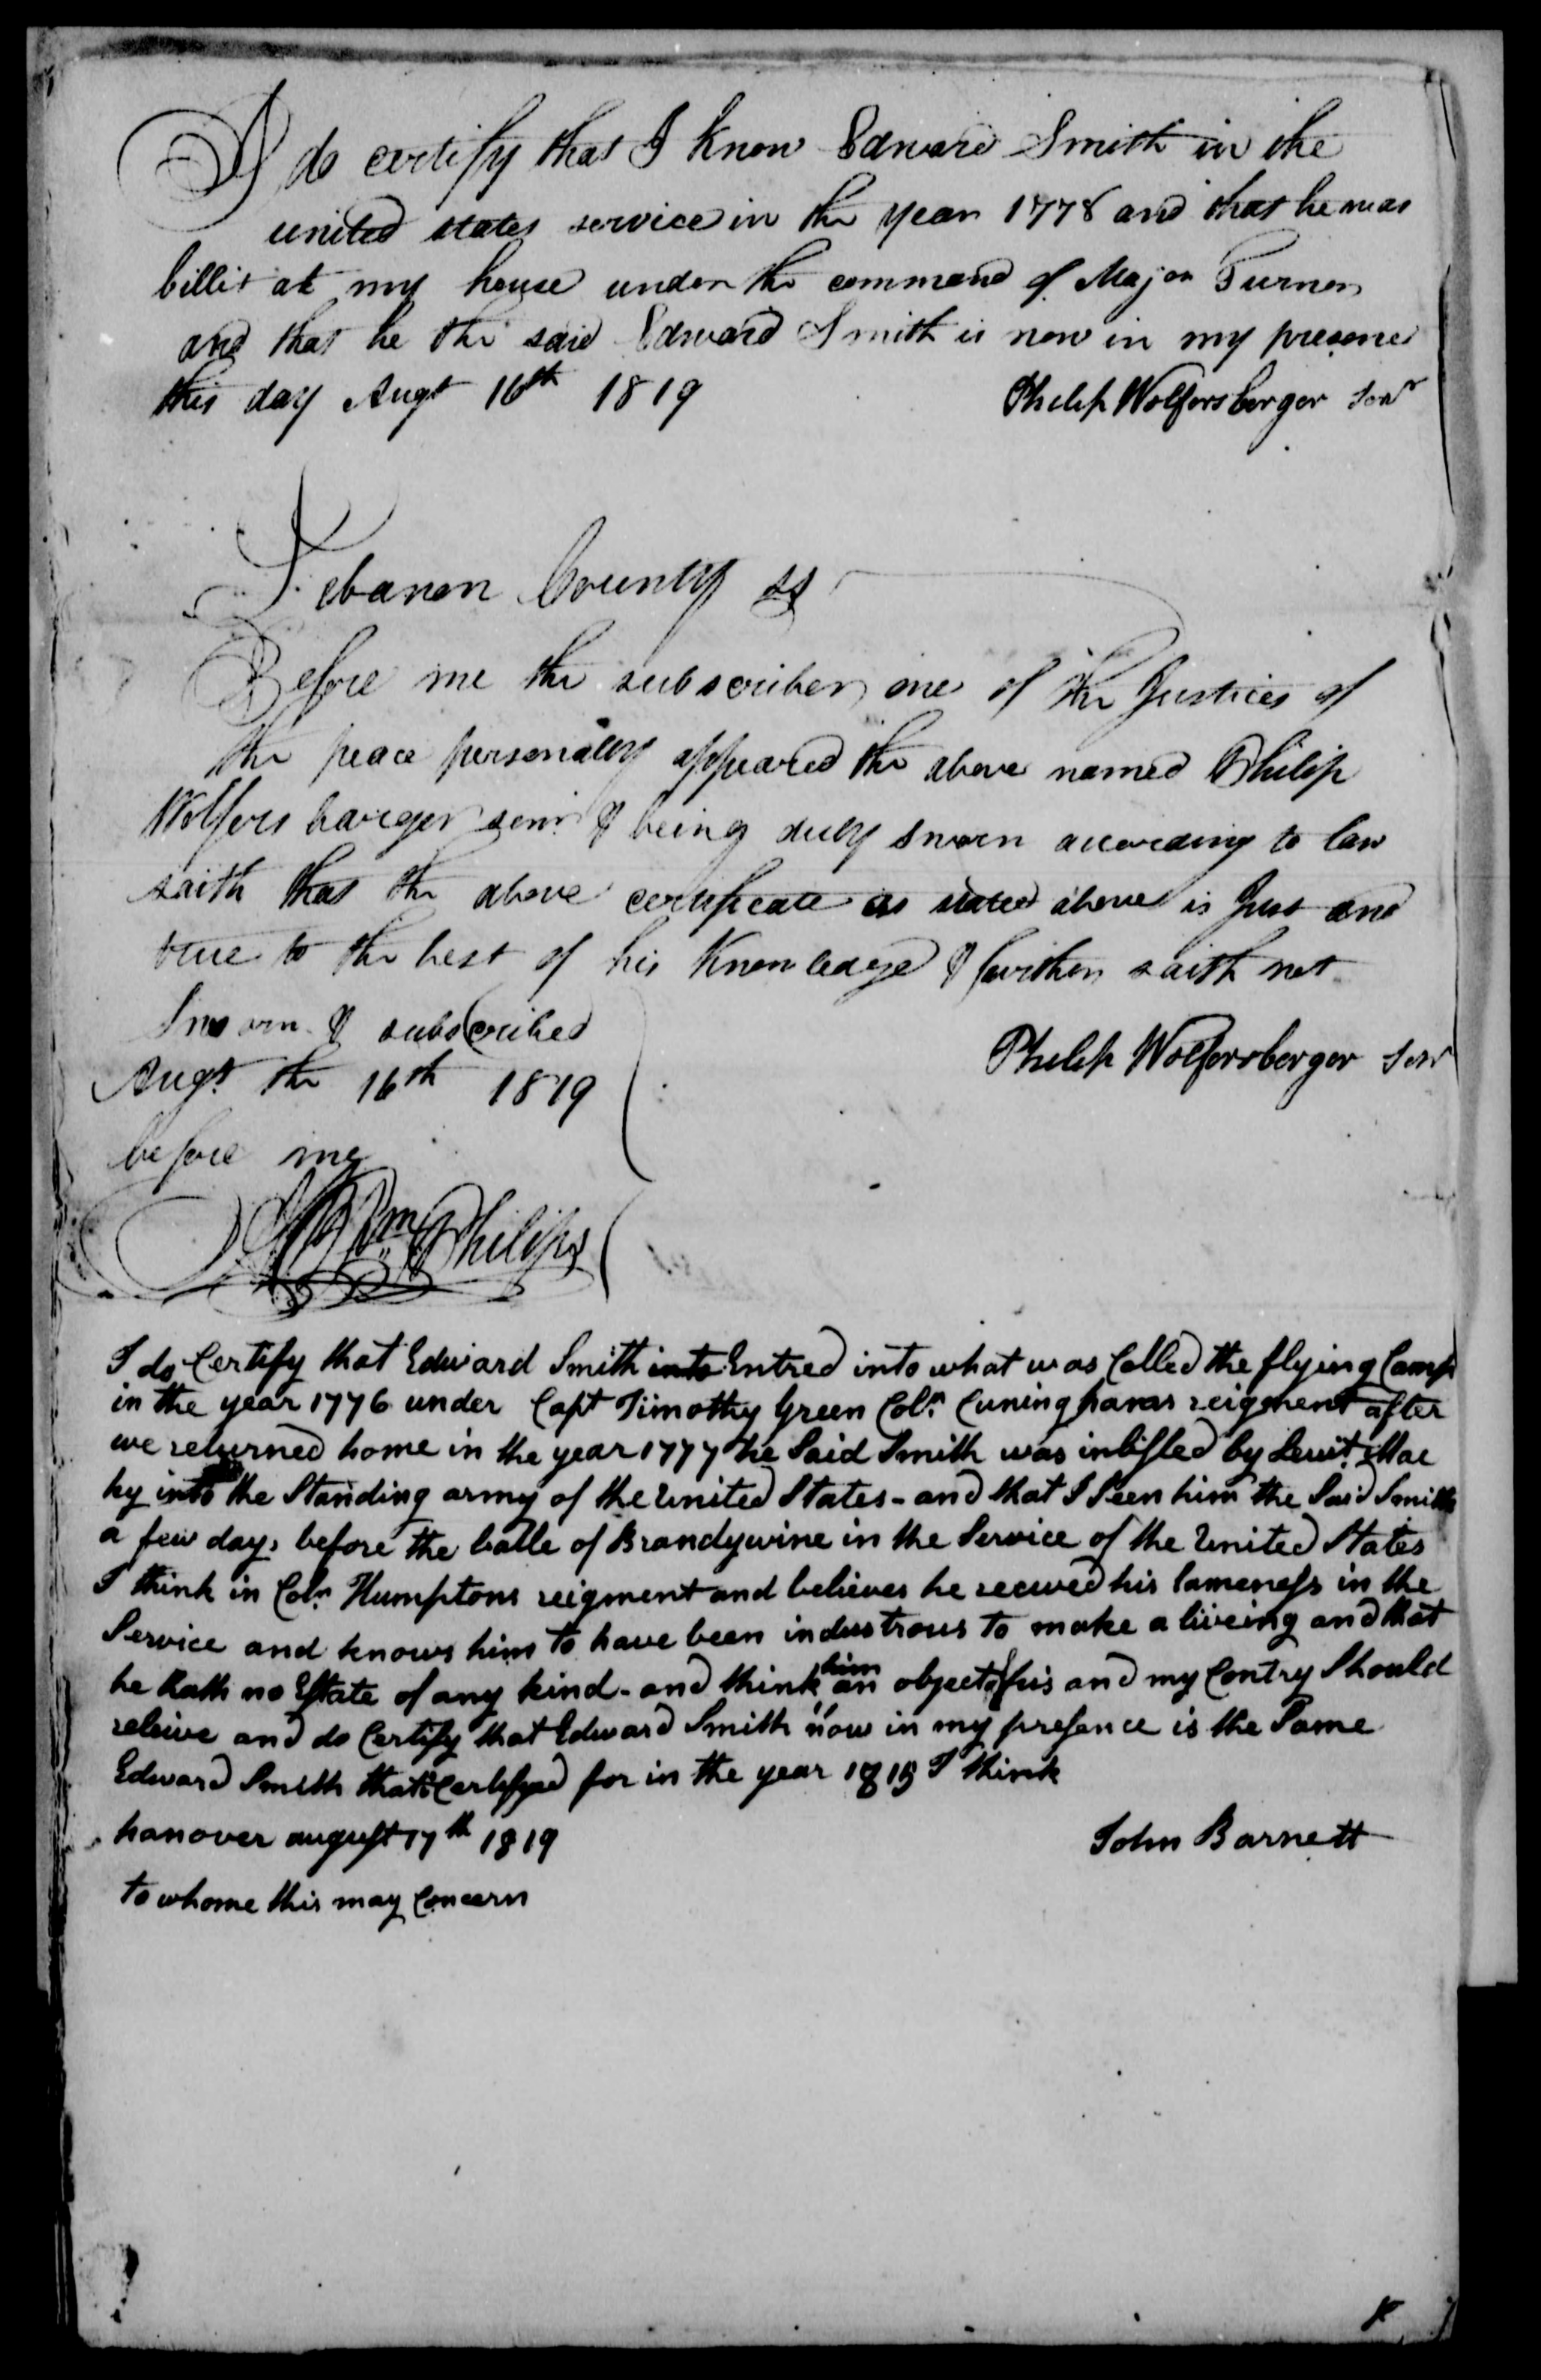I do certify that I know Edward Smith in the United States service in the year 1778 and that he was billeted at my house under the command of Major Turner and that he the said Edward Smith is now in my presence this day Augt. 16th 1819.

Philip Wolfersberger  Senior

Lebanon County ss
Before me the subscriber one of the Justices of the peace personally appeared the above named Philip
Wolfersbarger  {Wolfersberger} Senior & being duly sworn according to law
saith that the above certificate as stated above is just and true to the best of his knowledge & further saith not.

Philip Wolfersberger Senior

Sworn & subscribed
Augt. 16th 1819 before me.

Abrm. Philips

I do Certify that Edward Smith entered into what was called the flying Camp in the year 1776 under Capt. Timothy Green ,Col. Cuningham's regiment after we returned home in the year 1777.The said Smith was inlisted {enlisted} by Lieut. Machy into the standing army of the United States and that I seen him the said Smith a few days before the battle of Brandywine in the service of the United States, I think in Col. Humpton's regiment and believes he received his lameness in the
Service and knows him to have been industrous {industrious} to make a living and that he hath no estate of any kind and think him an {illegible} and my country should relieve and do certify that Edward Smith now in my presence is the same Edward Smith that I Certifyed {certified} for in the year 1813 I think Hanover August 17th 1819
to whom this may concern

John Barnett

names: Philip Wolfersbarger; Philip Wolfersberger; [BLANK] Smith; [BLANK] Turner; Edward Smith; Abrm Philips; Edward Smith; John Barnett; Edward Smith; Philip Wolfersberger; [BLANK] Smith; Timothy Green; Edward Smith; Edward Smith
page: 5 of 20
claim: survivor's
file: S 40454, for Edward Smith, Pennsylvania